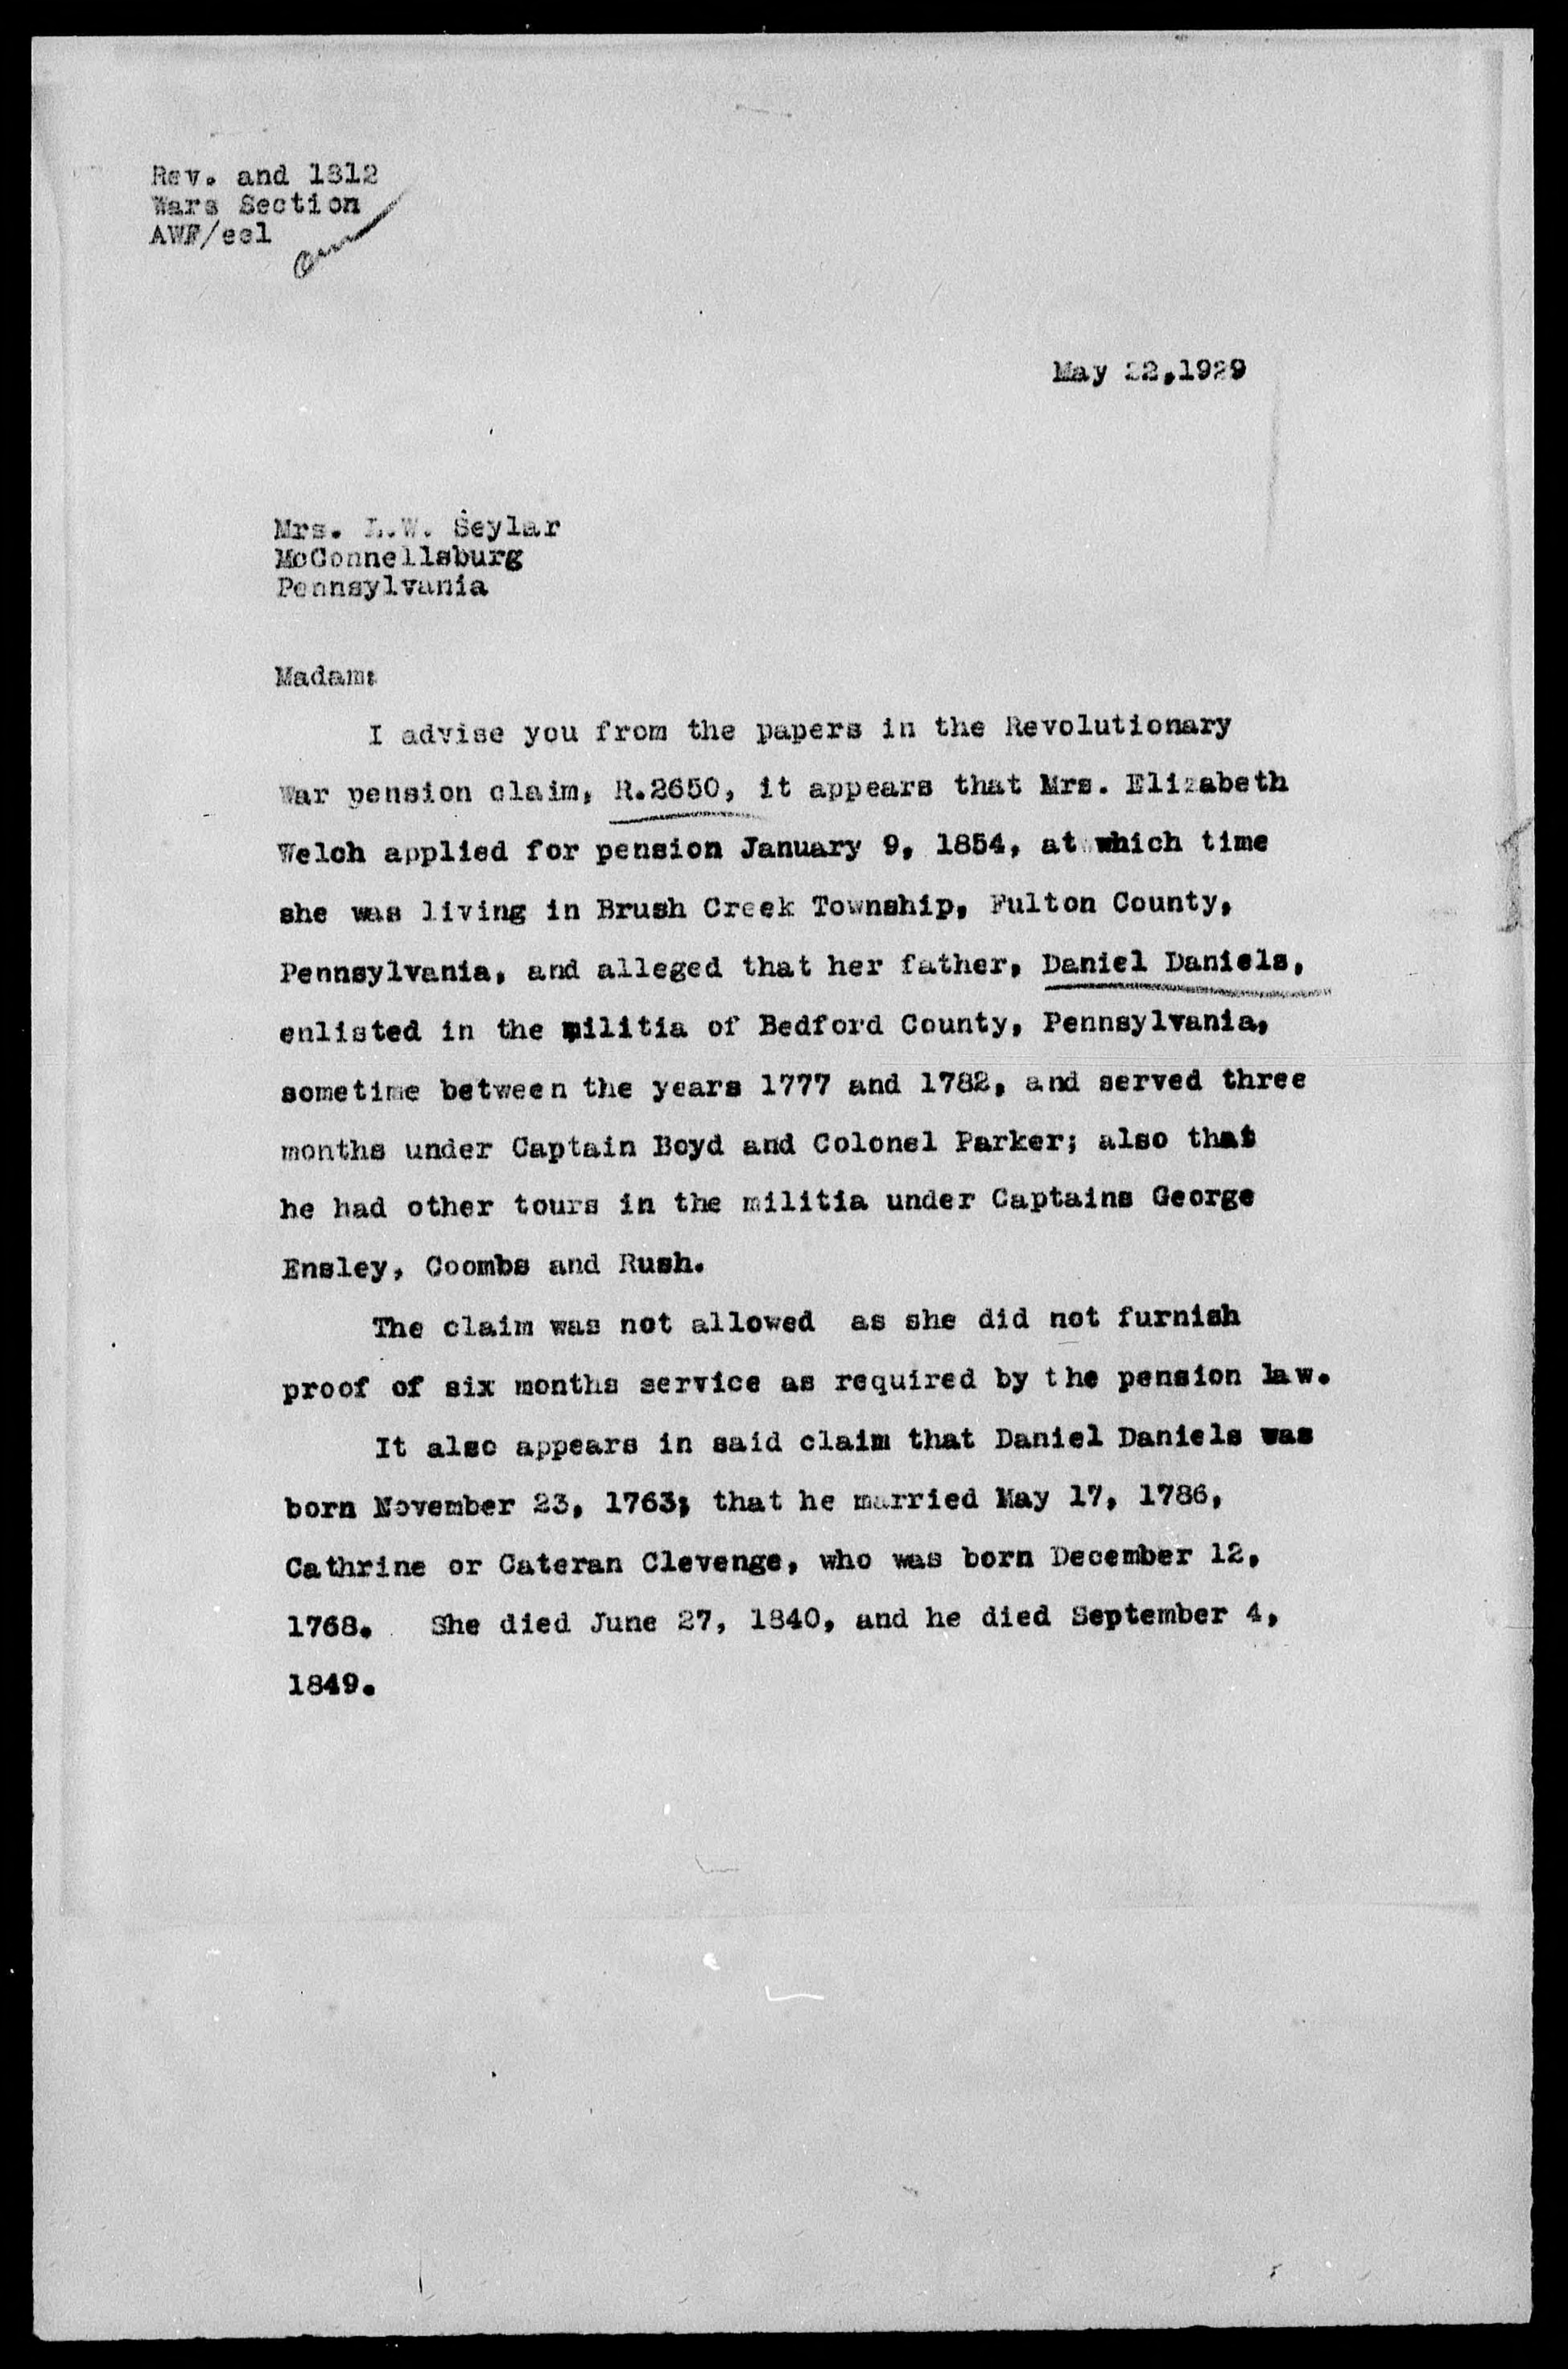Rev. and 1812
Wars Section
AWF/eel
May 22, 1929
Mrs. L.W. Seylar
McConnellsburg
Pennsylvania
Madam:
I advise you from the papers in the Revolutionary War
pension claim, R. 2650, it appears that Mrs. Elizabeth
Welch applied for pension January 9, 1854, at which time
she was living in Brush Creek Township, Fulton County,
Pennsylvania, and alleged that her father, Daniel Daniels,
enlisted in the militia of Bedford County, Pennsylvania,
sometime between the years 1777 and 1782, and served three
months under Captain Boyd and Colonel Parker; also that
he had other tours in the militia under Captains George
Ensley, Coombs and Rush.
The claim was not allowed as she did not furnish
proof of six months service as required by the pension law.
It also appears in said claim that Daniel Daniels was
born November 23, 1763; that he married May 17, 1786,
Cathrine or Cateran Clevenge, who was born December 12,
1768. She died June 27, 1840, and he died September 4,
1849.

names: L W Seylar, Elizabeth Welch, Daniel Daniels, Boyd, Cateran Clevenge, Coombs, George Ensley, Rush, Cathrine Clevenge, Parker, Daniel Daniels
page: 11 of 35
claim: rejected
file: R. 2,650, Daniel Daniels, Penn.